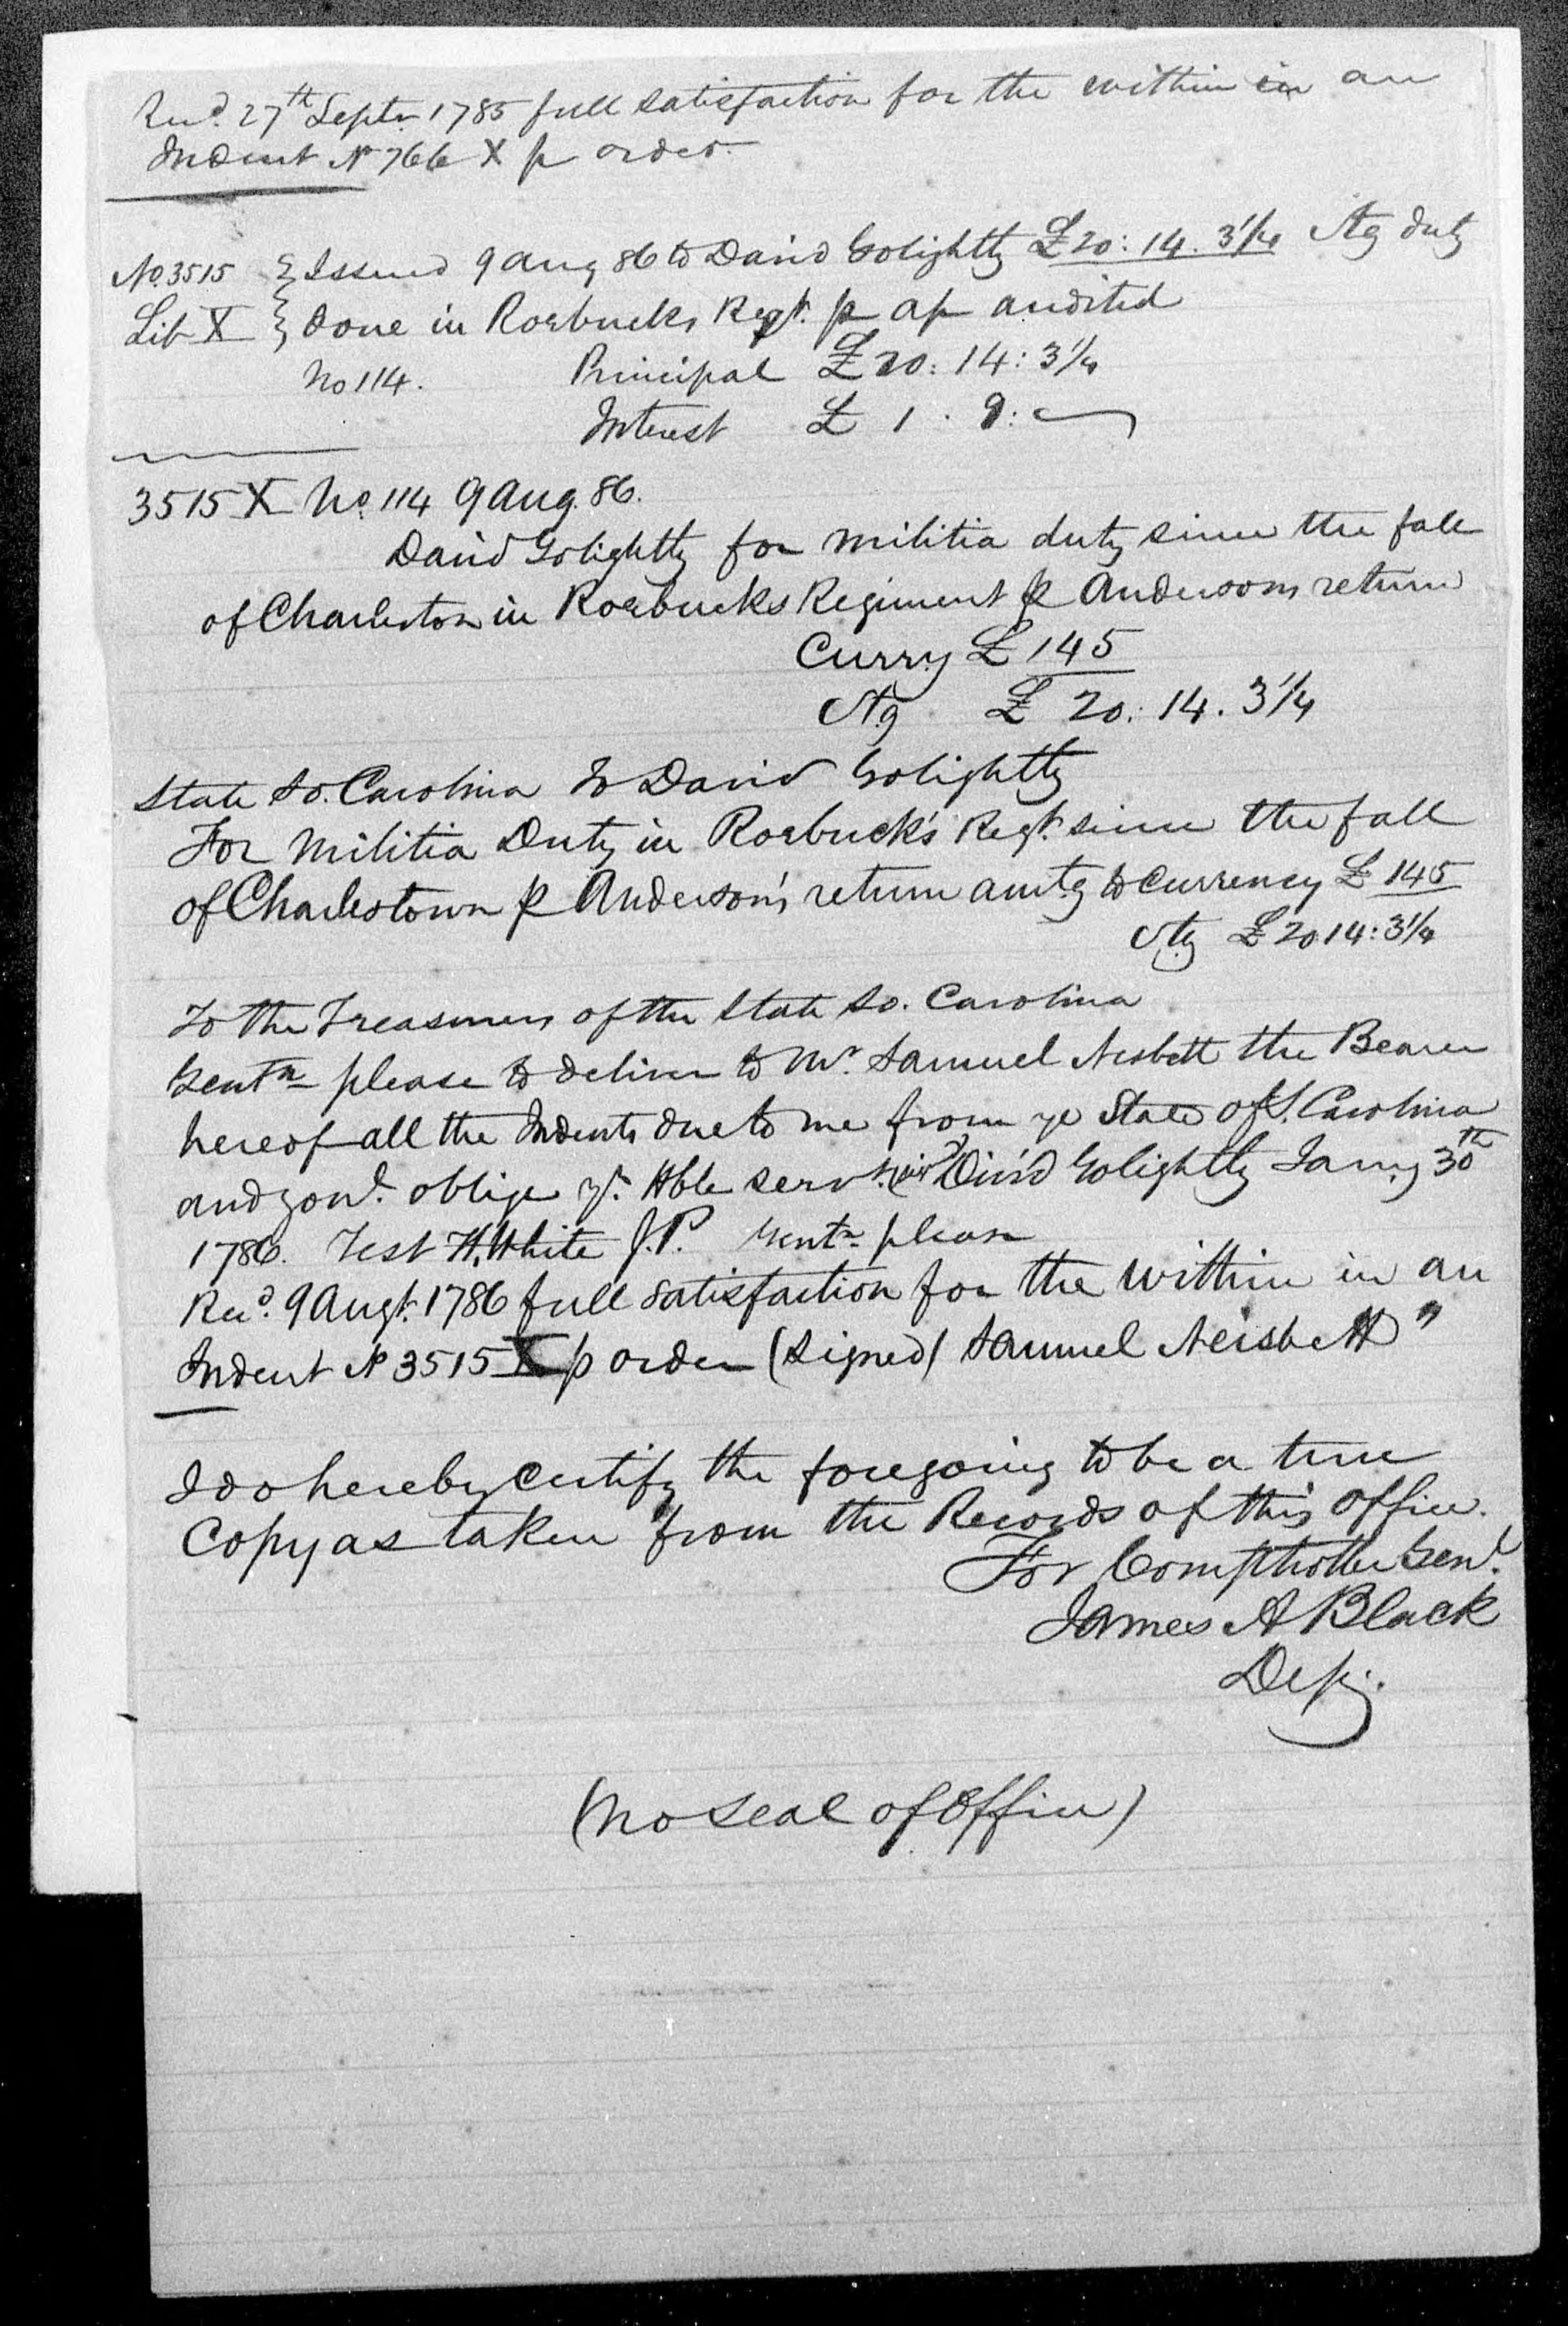Rec'd 27th Sept 1785 full satisfaction for the within an indent No 766 X order.

No. 3515 {Issued 9 Aug 86 to David Golightly $20: 14. 3/4 Ag duty
Lib X } Done in Roebucks Reg't, p ap audited
   No 114.  Principal $20: 14: 3 1/4
                  Interest $1.9:

3515X No. 114 9 Aug 86.
   David Golightly for militia duty service the fall of Charleston in Roebuck's Regiment & Anderson return
              Curry $145
              Atg     $ 20:14: 3 1/4

State South Carolina to David Golightly
for militia duty in Roebuck's Reg't. since the fall of Charleston & Anderson's return amt to currency $145
           Stg $20.14: 13 1/4

To the Treasury of the State of South Carolina
    Gentlemen please to deliver to Mr. Samual Nesbett the Bearer hereof all the Indents due to me from said State of South Carolina and your office of Hble Servant (signed David Golightly January 30th 1786.  Test. W. White J.P. Gent. please.
Rec'd 9 Augt 1786 full satisfaction for the within in an indent No 3515 order (signed) Samual Neisbett"

I do hereby certify the foregoing to be a true copy as taken from the Records of this office.
James A Black
Dep.

(no seal of office)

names: Samuel Neisbett, David Golightly, David Golightly, W White, Anderson, David Golightly, Samuel Nesbett, Divid Golightly, James A Black, Anderson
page: 49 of 57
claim: survivor's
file: S. 18888, David Golightly, S.C.